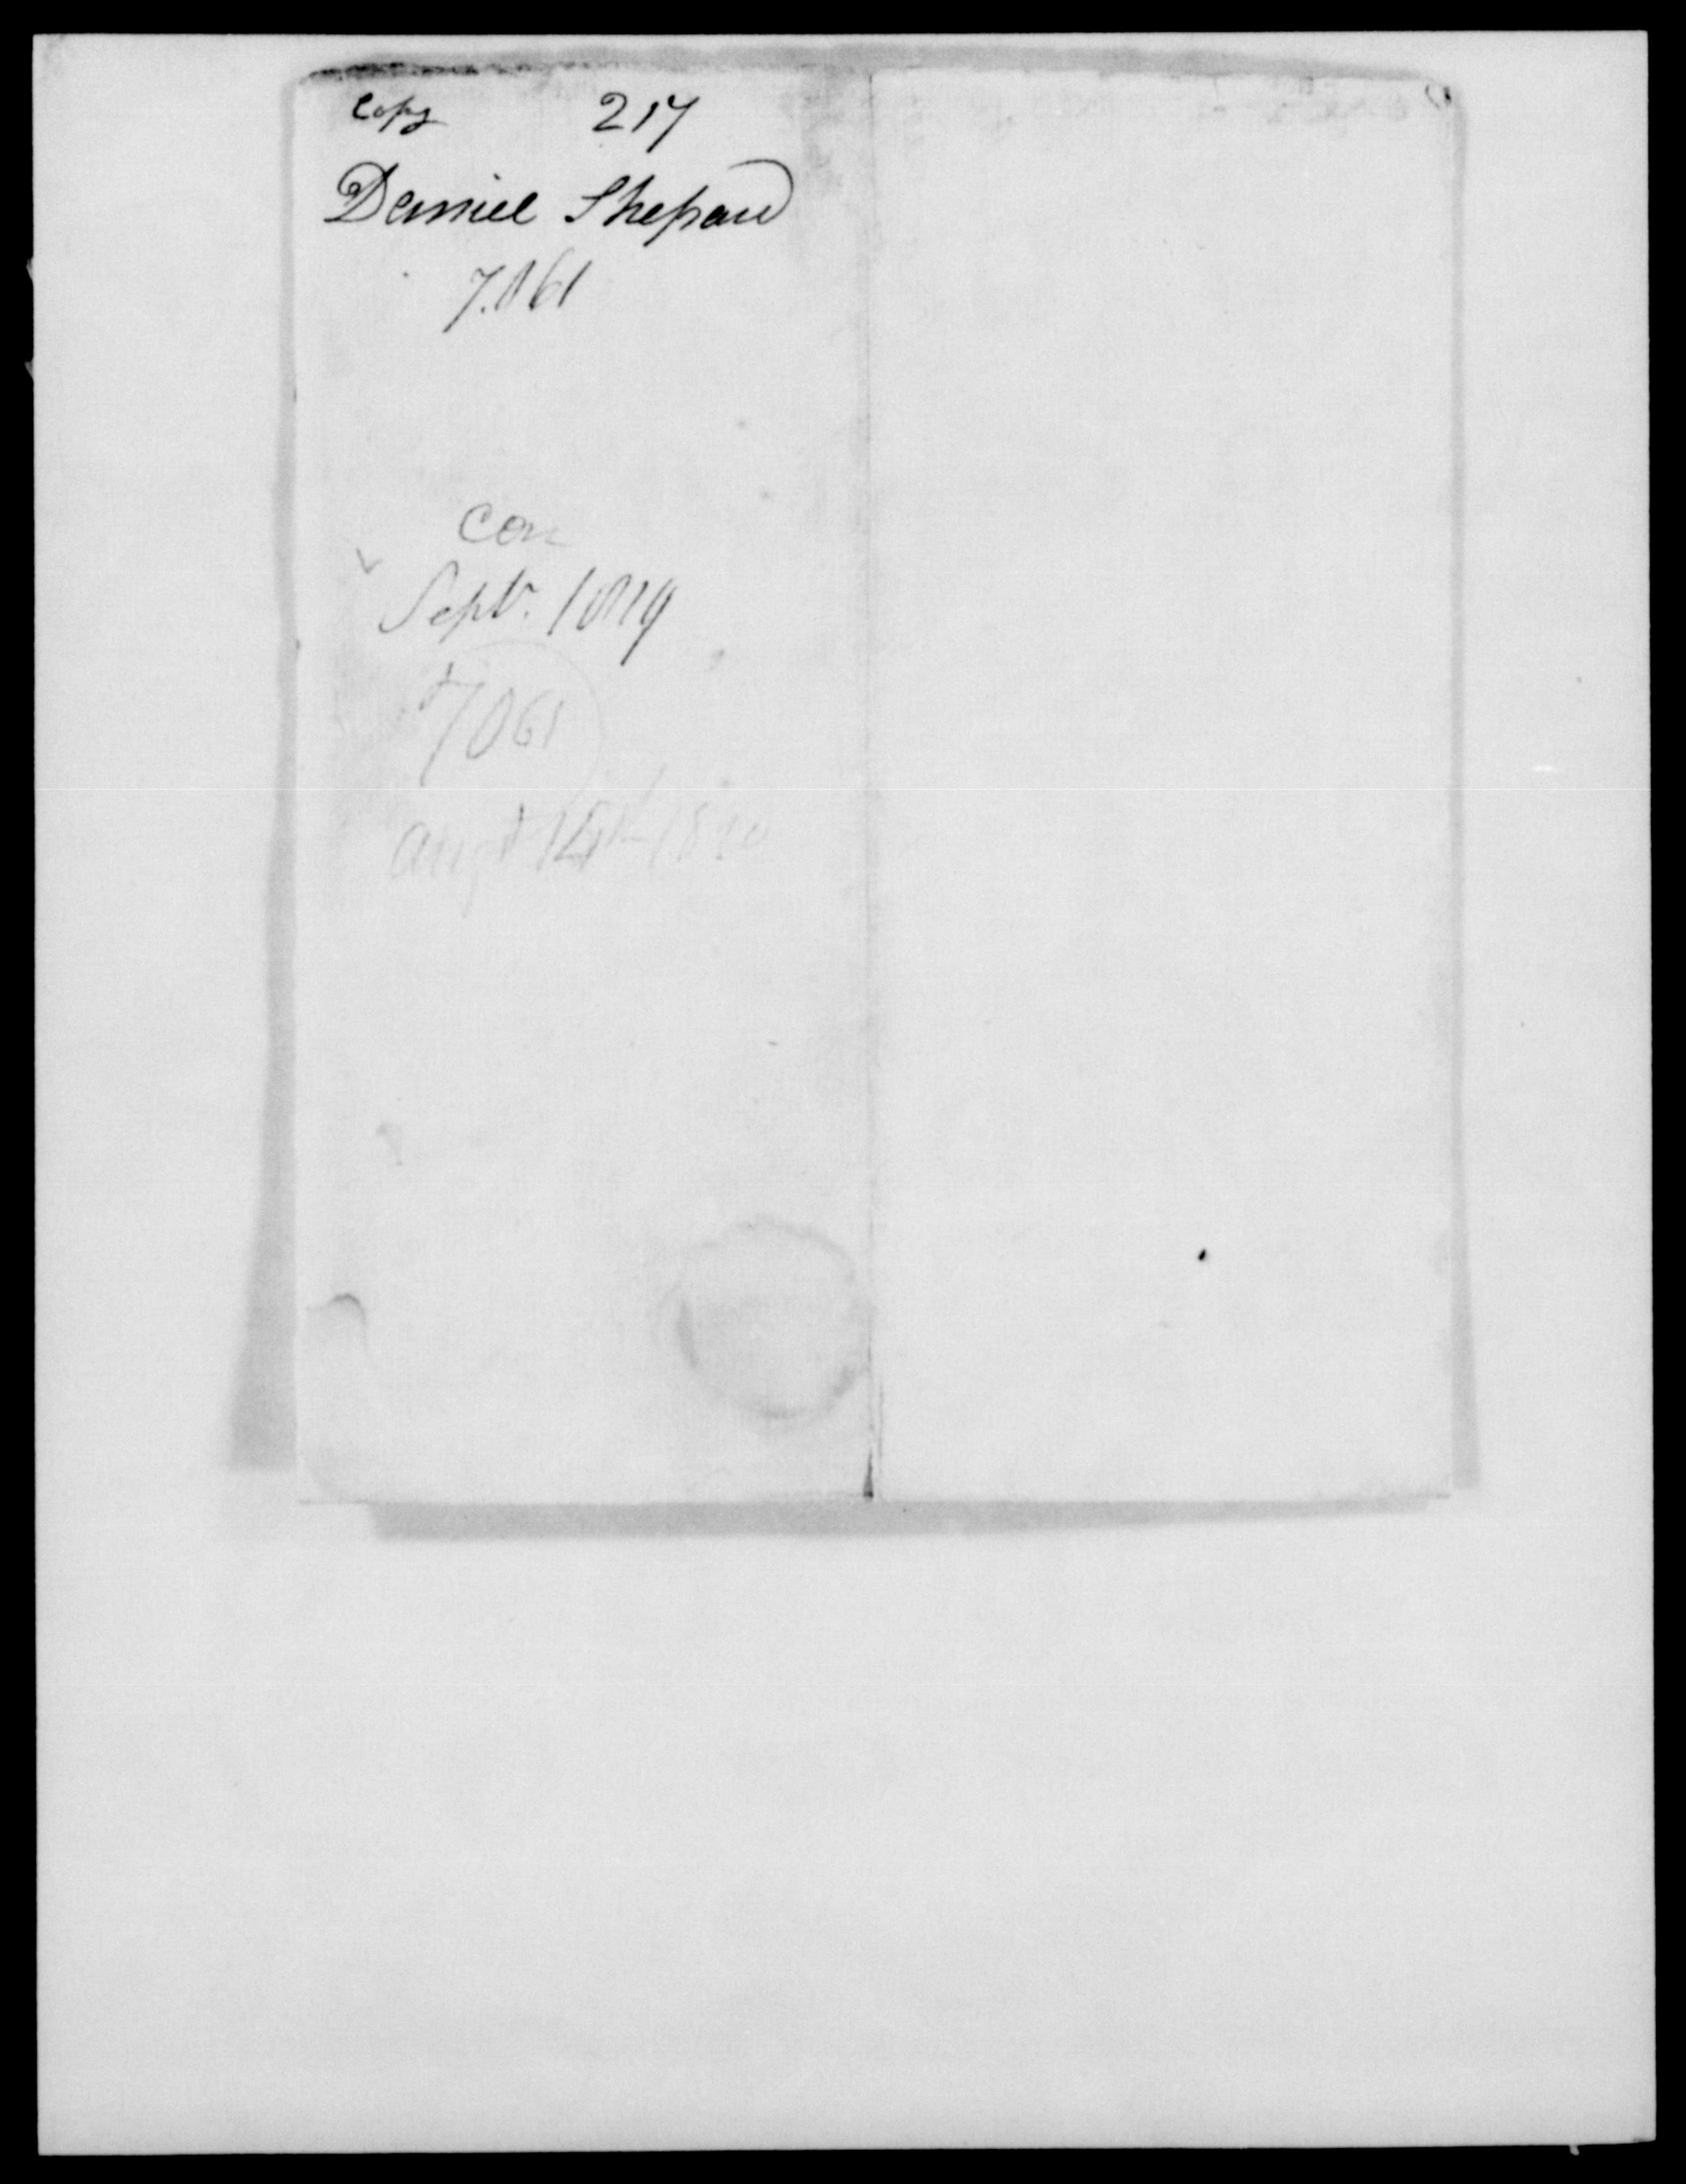Copy 217
Daniel Shepard
7.061

con 
Sept 1819
7061
Augt 14th 1820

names: Daniel Shepard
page: 7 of 25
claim: survivor's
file: S. 43137, for Daniel Shepard, New Hampshire